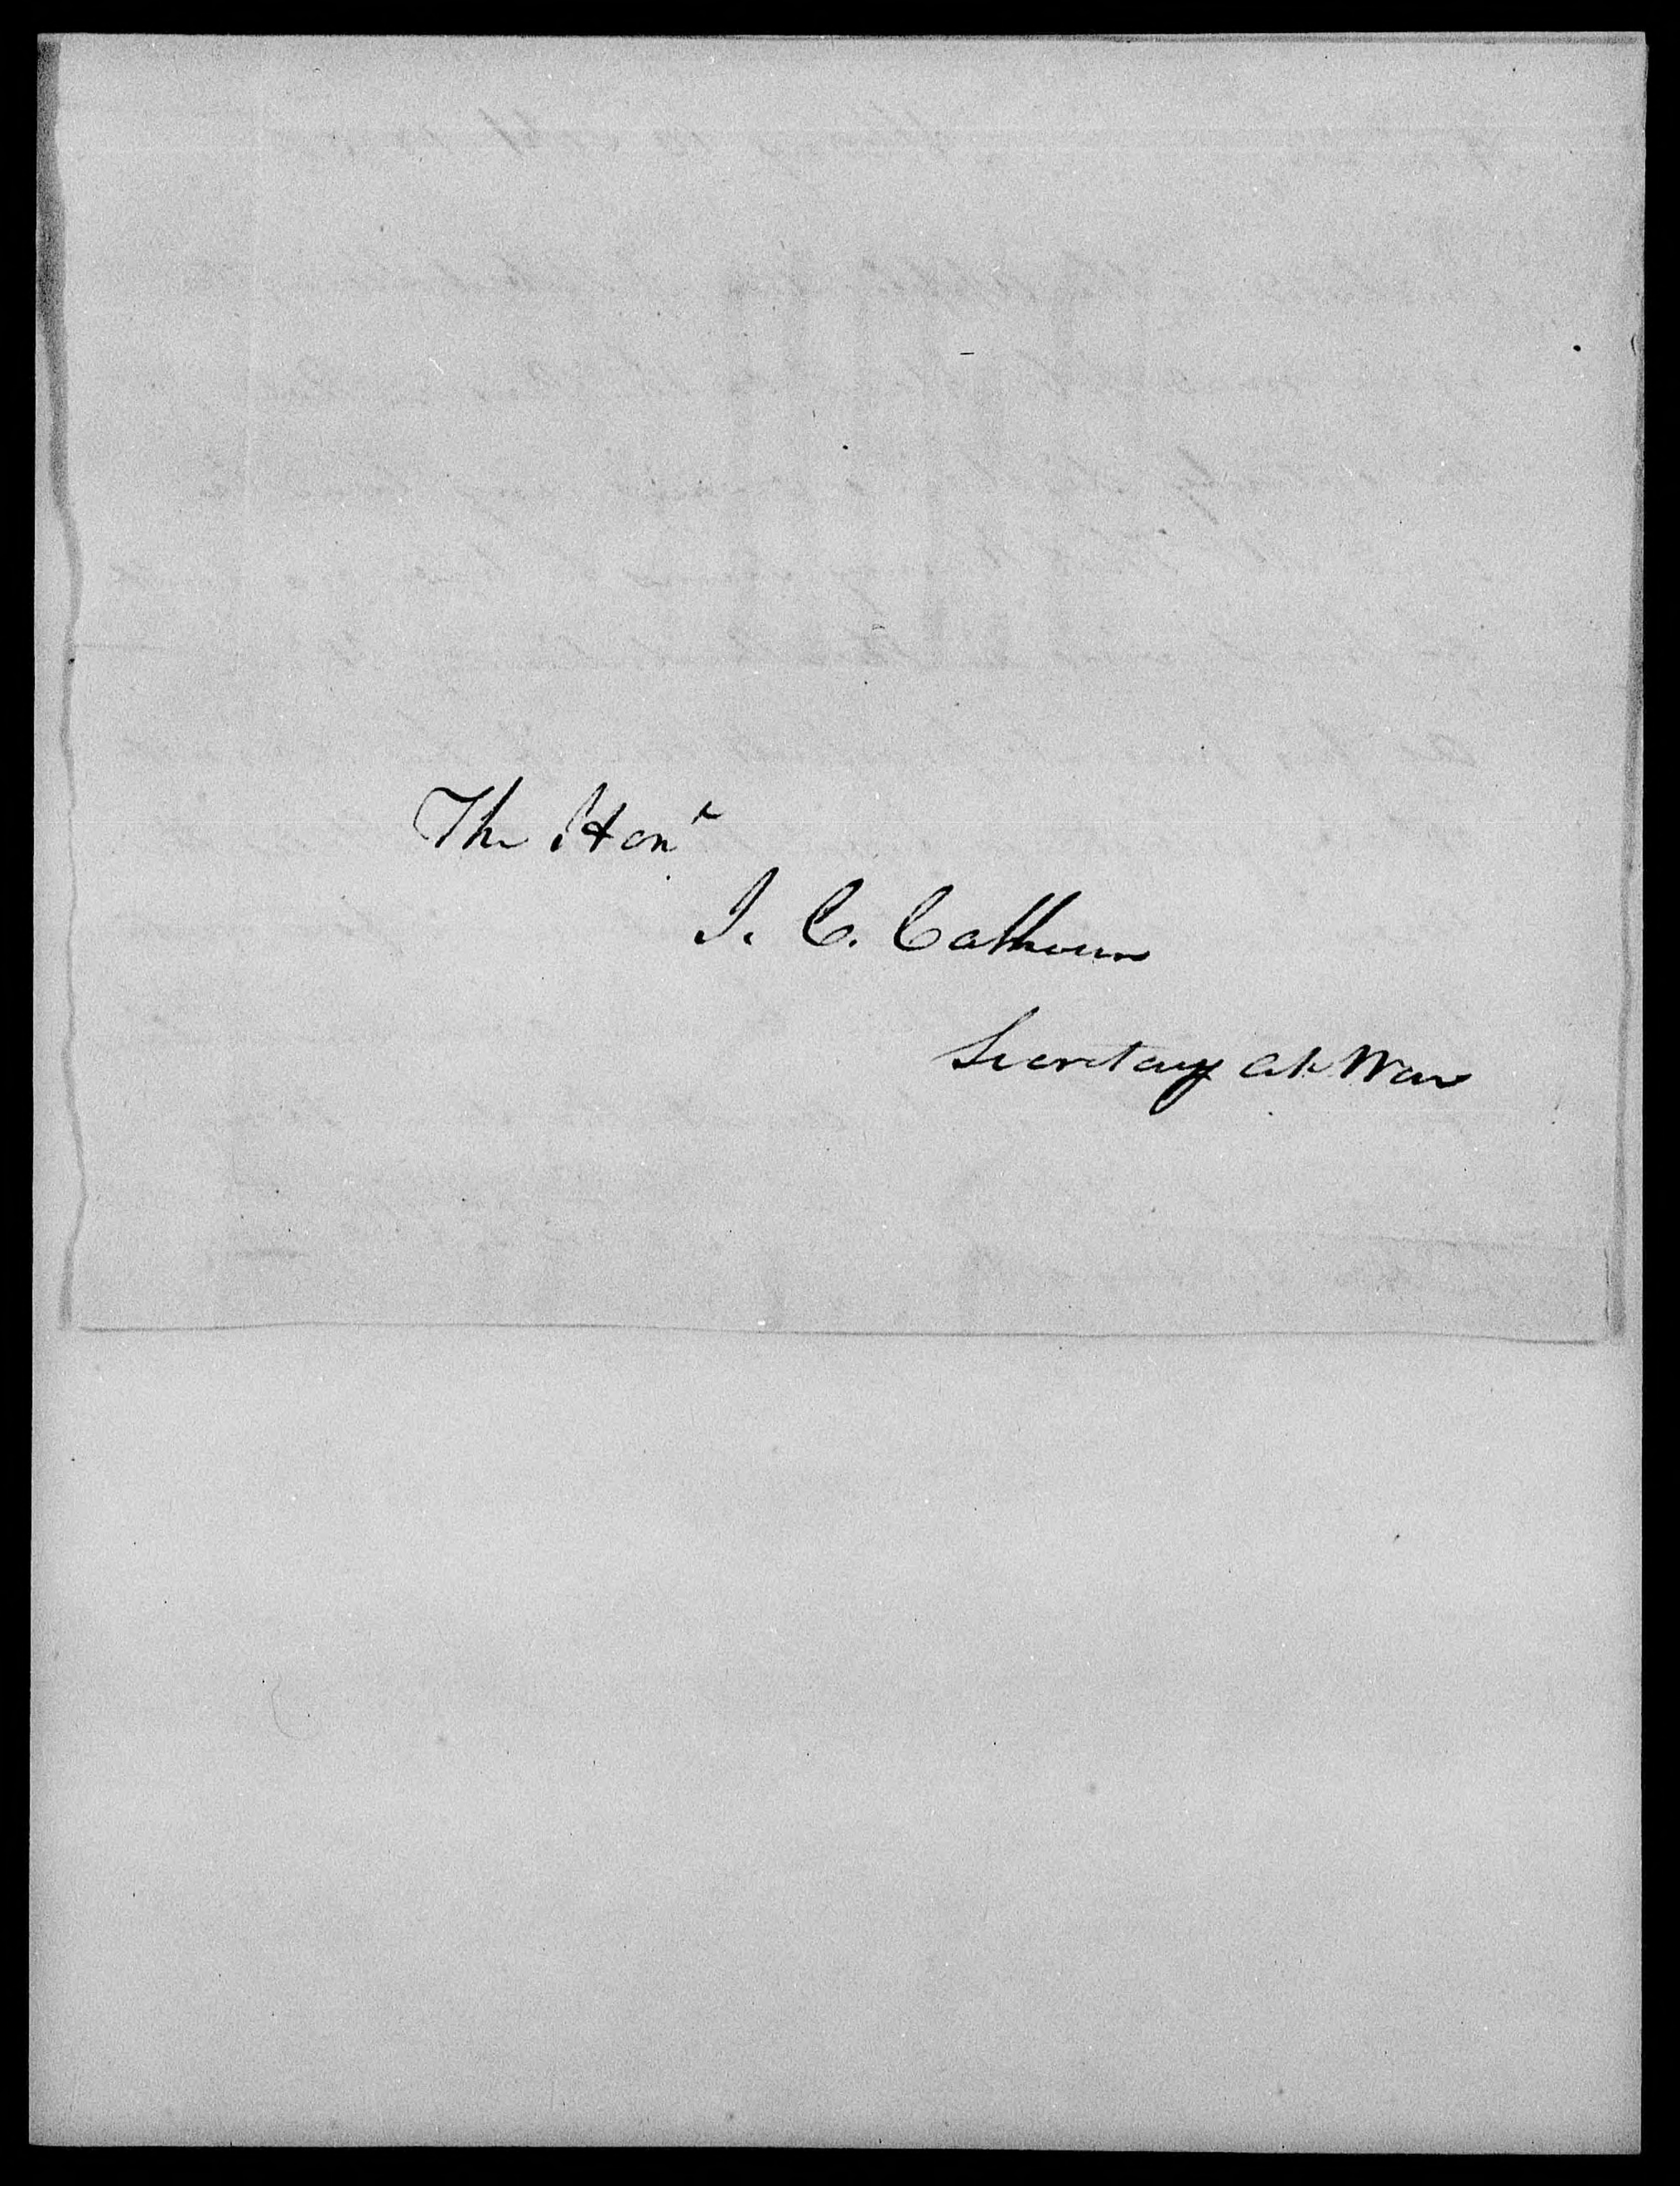The Hon. J.C. Calhoun
Secretary of War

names: J C Calhoun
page: 11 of 23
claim: survivor's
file: S 42874, for Robert Livingston, Maryland